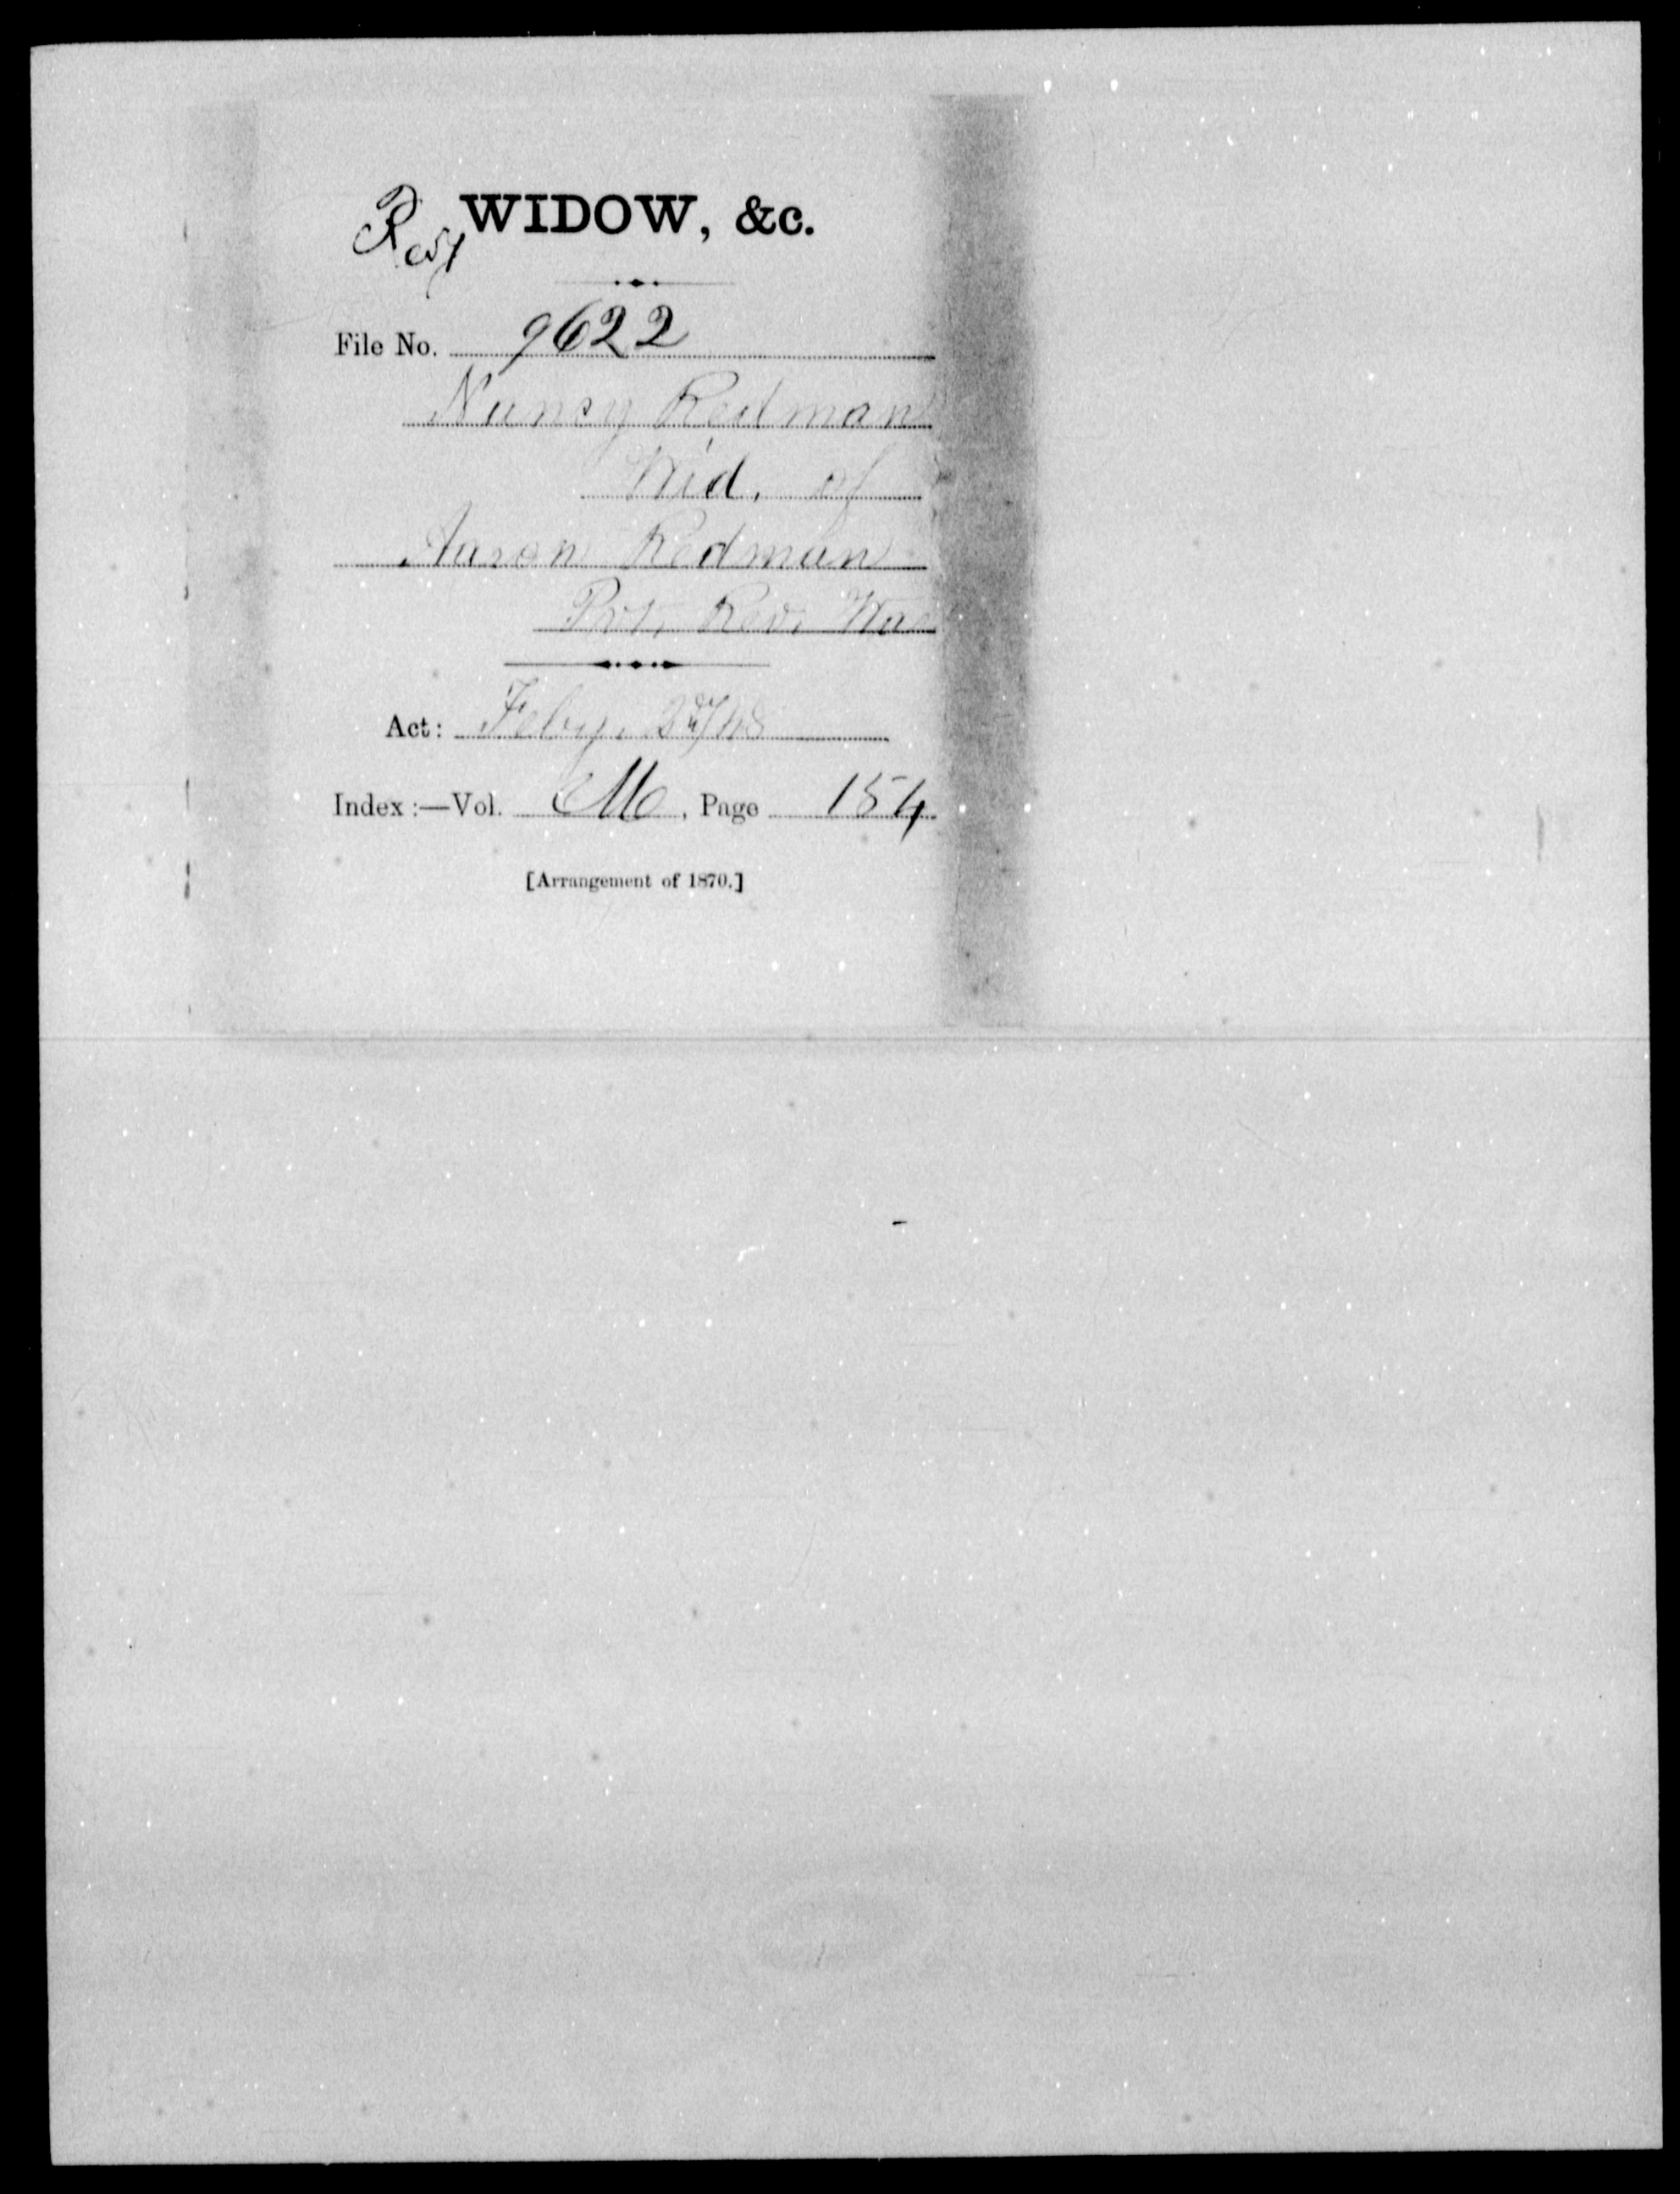Revy WIDOW, &c.
File No. 9622
Nancy Redman
Wid. of
Aaron Redman
Pvt. Rev. War
Act Feby, 2"/48
Index:-Vol. M, Page 154
Arrangement of 1870.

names: Nancy Redman; Aaron Redman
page: 22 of 57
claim: widow's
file: W. 9,622, for Aaron Redman, Virginia